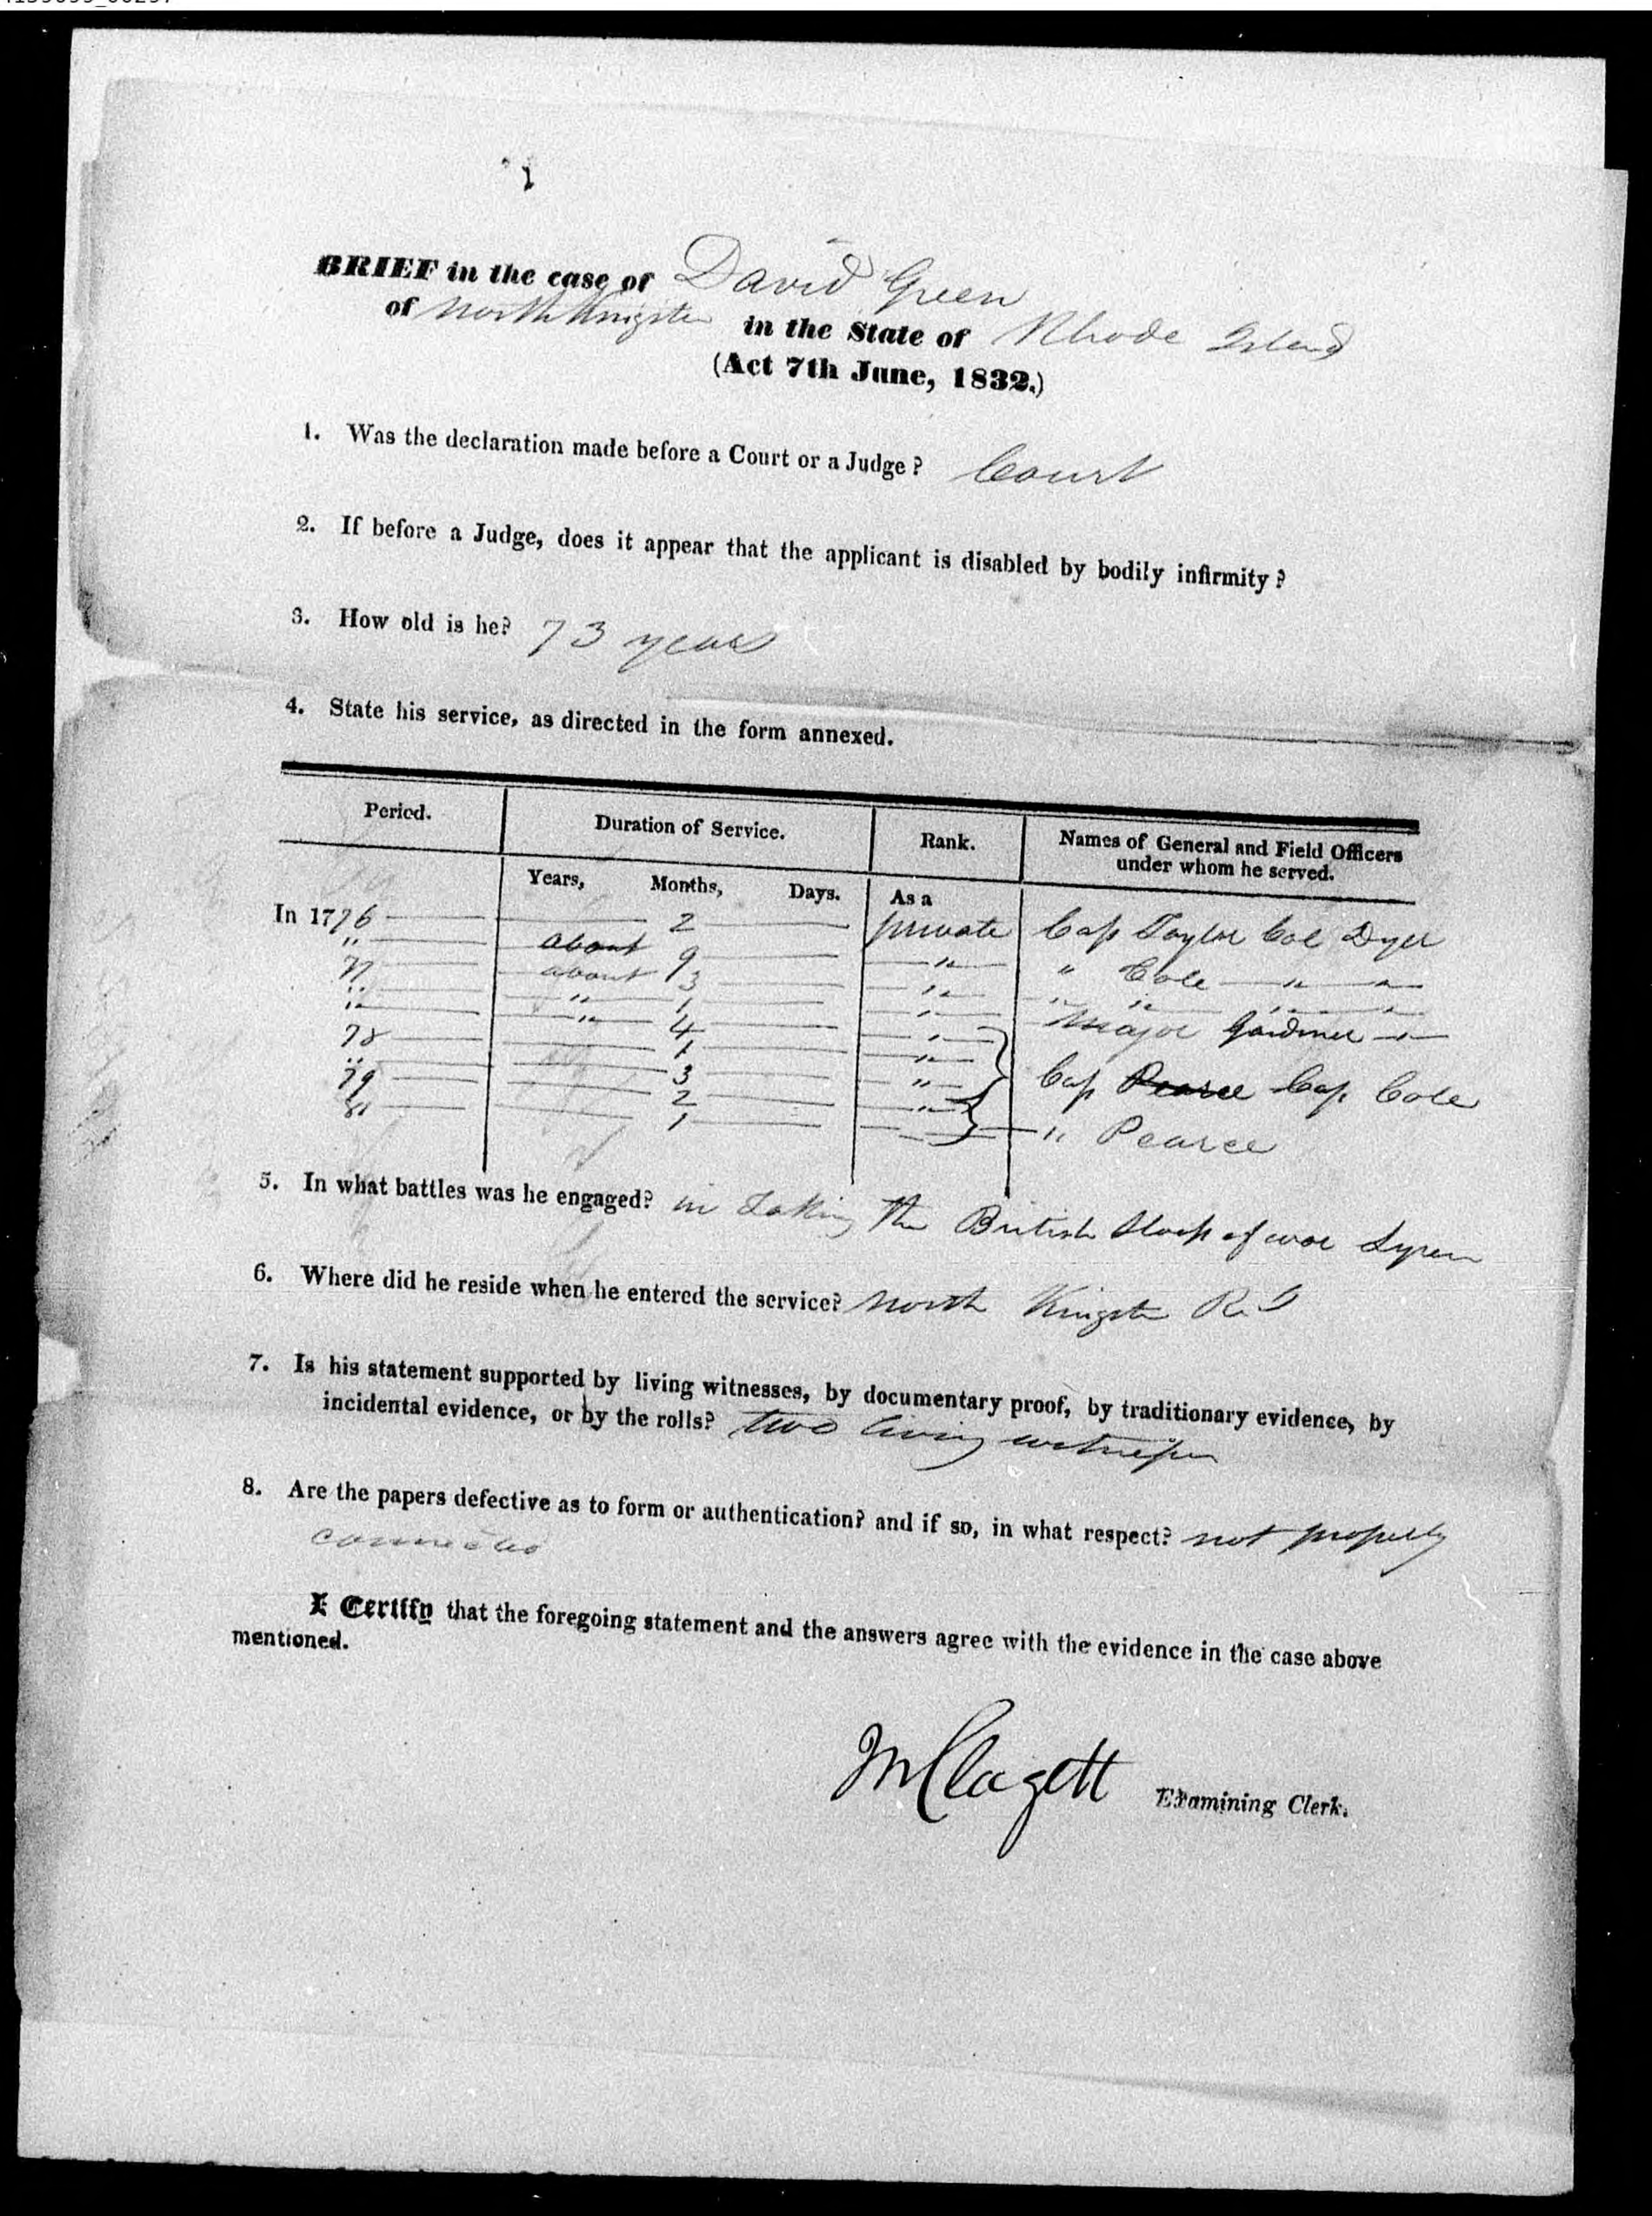Brief in the case of David Green
at North Kingston in the State of Rhode Island
Act 7th June, 1832

1. Was the declaration made before a Court or a Judge?  Court
2.  If before a Judge, does it appear that the applicant is disabled by bodily infirmity? 
3.  How old is he?  73 years
4. State his service as directed in the form annexed

Period | Duration of Service (Years, Months, Days)
 | Rank | Names of General  and Field Officers under whom he served

In  1776 |  2 mos. | private | Cap. Taylor | Col. Dyer
 1776 | About 9 mos. |  (ditto marks) private | Capt. Cole | " (ditto marks)| 
 1777 | ( ditto marks) about 3 mos. | " private | " Cole  | " Dyer|
" 1777 | " 1 month | "private | Major Gardner|
 "1777 | 4 mos. | private | Cap. Pearce  |Cap. Cole |
1778 | 1 month | private | Cap. Pearce  |Cap. Cole |
"1778 | 3 mos. | private | Cap. Pearce  |Cap. Cole|
1779 | 2 mos. | " private | Cap. Pearce  |Cap. Cole|
1780 | 1 month | " private | Cap. Pearce

5.  In what battles was he engaged:  in taking the British sloop of war Syren
6.  Where did he reside when he enteed the service? North Kingston R.I.
7.  Is this statement supported by living witnesses, by documentary proof, by traditionary evidence by incidental evidence, or by the rolls?   two living (illegible)
8.  Are the papers defective as to form or authentication, and if so, in what respect?  not properly (Illegible)

X Certify that the foregoing statement and the answers agree with the evidence in the case above mentioned.
MClagett Examining Clerk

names: J N Clagett, Cole, Gardiner, Dyer, Pearce, Taylor, David Green, Pearce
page: 15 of 27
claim: survivor's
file: S. 21,245, David Greene, R.I.